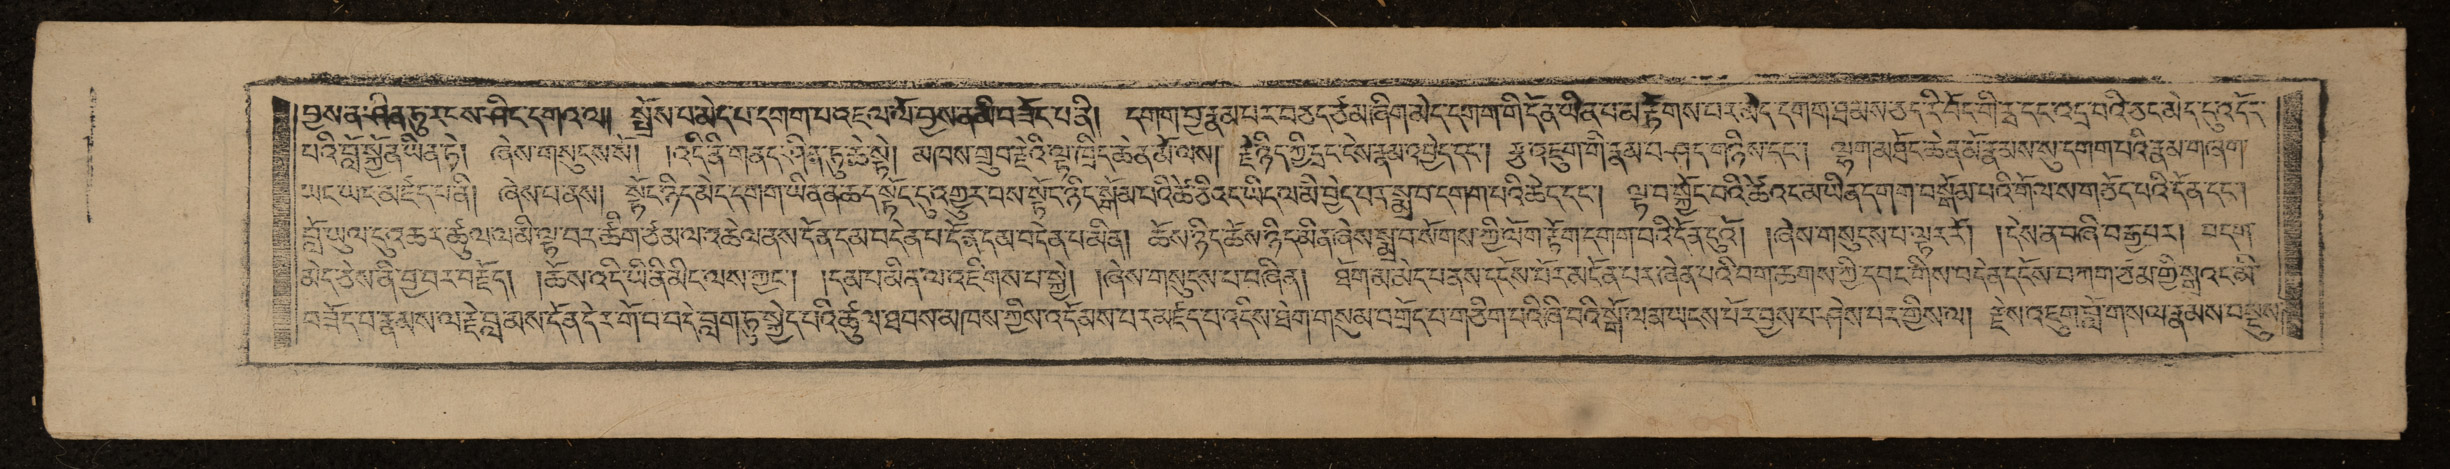བྱས་ན་ཤིན་ཏུ་རངས་ཤིང་དགའ་ལ། སྤྲོས་པ་མེད་བ་དགག་པ་འཇལ་ལོ་བྱས་ན་མི་བཟོད་པ་ནི། དགག་བྱ་རྣམ་པར་བཅད་ཙམ་ཞིག་མེད་དགག་གི་དོན་ཡིན་པ་མ་རྟོགས་པར་མེད་དགག་ཐམས་ཅད་རི་བོང་གི་རྭ་དང་འདྲ་བའི་ཅང་མེད་དུ་འདོད་
པའི་བློ་སྐྱོན་ཡིན་ཏེ། ཞེས་གསུངས་སོ། །འདི་ནི་གནད་ཤིན་ཏུ་ཆེ་སྟེ། མཁས་གྲུབ་རྗེའི་ལྟ་ཁྲིད་ཆེན་མོ་ལས། རྗེ་ཉིད་ཀྱི་དྲངས་ངེས་རྣམ་འབྱེད་དང་། རྩ་འཇུག་གི་རྣམ་བཤད་གཉིས་དང་། ལྷག་མཐོང་ཆེན་མོ་རྣམས་སུ་དགག་པའི་རྣམ་གཞག་
ཡང་ཡང་མཛད་པ་ནི། ཞེས་པ་ནས། སྟོང་ཉིད་མེད་དགག་ཡིན་ན་ཆད་སྟོང་དུ་འགྱུར་བས་སྟོང་ཉིད་སྒོམ་པའི་ཚེ་ཅིའང་ཡིད་ལ་མི་བྱེད་པར་སྨྲ་བ་དགག་པའི་ཆེད་དང་། ལྟ་བ་སྐྱོང་པའི་ཚེའང་མ་ཡིན་དགག་བསྒོམ་པའི་གོ་ལས་གཅོད་པའི་དོན་དང་།
བློ་ཡུལ་དུ་འཆར་ཚུལ་ལ་མི་ལྟ་བར་ཚིག་ཙམ་ལ་འཆེལ་ནས་དོན་དམ་བདེན་པ་དོན་དམ་བདེན་པ་མིན། ཆོས་ཉིད་ཆོས་ཉིད་མིན་ཞེས་སྨྲ་བ་སོགས་ཀྱི་ལོག་རྟོག་དགག་པའི་དོན་དུའོ། །ཞེས་གསུངས་པ་ལྟར་རོ། །དེས་ན་བཞི་བརྒྱ་བར། བདག་
མེད་ཅེས་ནི་བྱ་བར་བརྗོད། །ཆོས་འདི་ཡི་ནི་མིང་ལས་ཀྱང་། །དམ་པ་མིན་ལ་འཇིགས་པ་སྐྱེ། །ཞེས་གསུངས་པ་བཞི་ན། ཐོག་མ་མེད་པ་ནས་དངོས་པོར་མངོན་པར་ཞེན་པའི་བག་ཆགས་ཀྱི་དབང་གིས་བདེན་དངོས་བཀག་ཙམ་གྱི་སྒྲའང་མི་
བཟོད་པ་རྣམས་ལ་རྗེ་བླ་མས་དོན་དིར་གོ་བ་བདེ་བླག་ཏུ་སྐྱེད་པའི་ཚུལ་ཐབས་མཁས་ཀྱིས་འདོམས་པར་མཛད་པ་འདིས་ཐེག་གསུམ་བགྲོད་པ་གཅིག་བའི་ཞི་བའི་སྒོ་ལམ་ཡངས་བོར་བྱས་པ་ཤེས་པར་གྱིས་ལ། རྗེས་འཇུག་བློ་གསལ་རྣམས་བསྡུས་